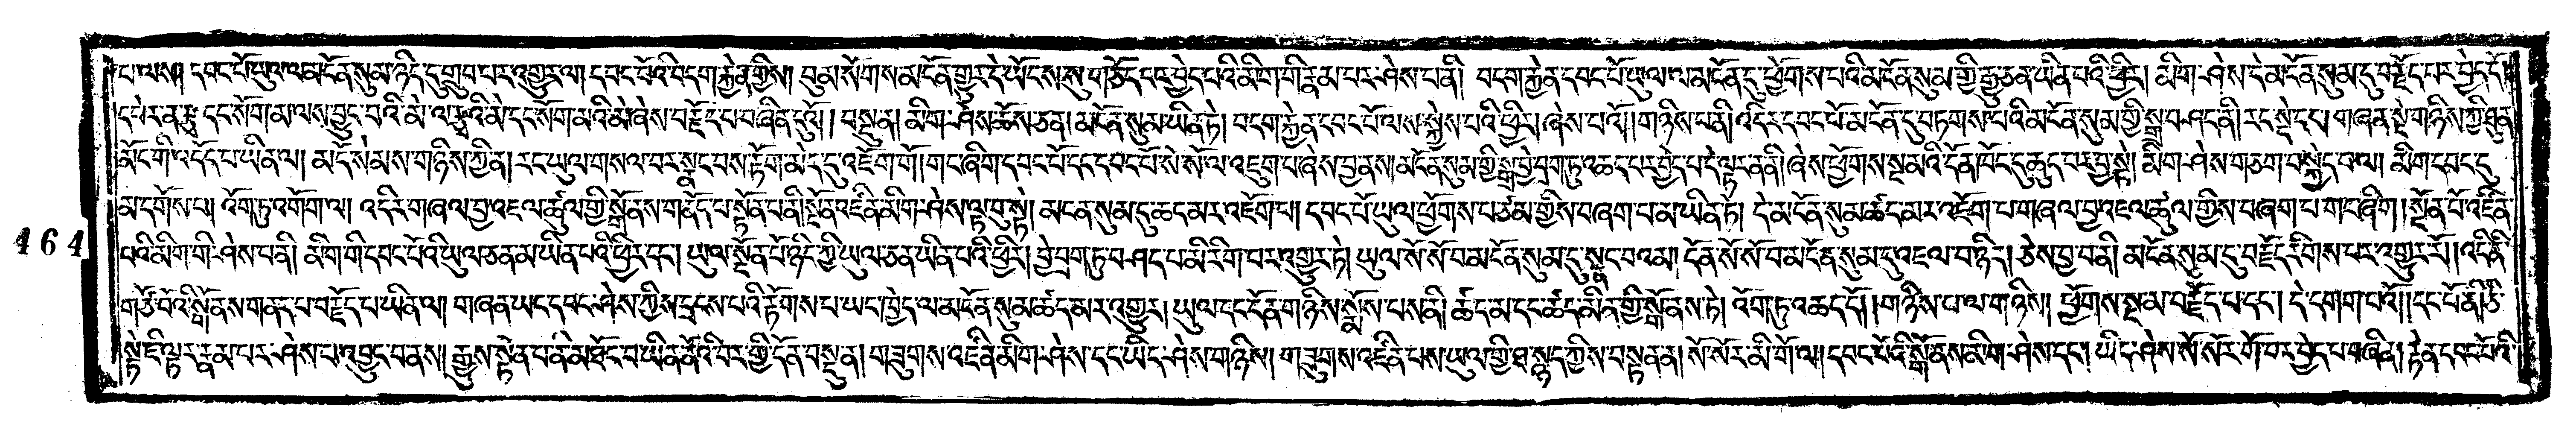པ་ལས། དབང་པོ་ཡུལ་ལ་མངོན་སུམ་ཉིད་དུ་གྲུབ་པར་འགྱུར་ལ། དབང་པོའི་བདག་རྐྱེན་གྱིས། བུམ་སོགས་མངོན་གྱུར་དེ་ཡོངས་སུ་གཅོད་པར་བྱེད་པའི་མིག་གི་རྣམ་པར་ཤེས་པ་ནི། བདག་རྐྱེན་དབང་པོ་ཡུལ་ལ་མངོན་དུ་ཕྱོགས་པའི་མངོན་སུམ་གྱི་རྒྱུ་ཅན་གྱིན་པའི་ཕྱིར། མིག་ཤེས་དེ་མངོན་སུམ་དུ་བརྗོད་པར་བྱེད་དོ།
དཔེར་ན་རྩྭ་དང་སོག་མ་ལས་བྱུང་བའི་མེ་ལ་རྩྭའི་མེ་དང་སོག་མའི་མེ་ཞེས་བརྗོད་པ་བཞིན་དུའོ། །བསྡུ་ན། མིག་ཤེས་ཆོས་ཅན། མངོན་སུམ་ཡིན་ཏེ། བདག་རྐྱེན་དབང་པོ་ལས་སྐྱེས་པའི་ཕྱིར། ཞེས་པའོ། །གཉིས་པ་ནི། འདིར་དབང་པོ་མངོན་དུ་བཏགས་པའི་མངོན་སུམ་གྱི་སྒྲ་བཤད་ནི། རང་སྡེ་དང་། གཞན་སྡེ་གཉིས་ཀྱི་ཐུན་
མོང་གི་འདོད་པ་ཡིན་ལ། མདོ་སེམས་གཉིས་ཀྱི་ན། རང་ཡུལ་གསལ་བར་སྣང་བས་རྟོག་མེད་དུ་འཇོག་གོ །གང་ཞིག་དབང་པོ་དང་དབང་པོ་སོ་སོ་ལ་འཇུག་པ་ཞེས་བྱ་ནས། མངོན་སུམ་གྱི་སྒྲ་བྱེ་བྲག་ཏུ་འཆད་པར་བྱེད་པ་དེ་ལྟར་ན་ནི། ཞེས་ཕྱོགས་སྔ་མའི་དོན་ཁོང་དུ་ཆུད་པར་བྱ་སྟེ། མིག་ཤེས་གཅག་བསྐྱེད་བ་ལ། མིག་དབང་དུ་
མ་དགོས་པ། འོག་ཏུ་འགོག་ལ། འདིར་གཞལ་བྱ་འཇལ་ཚུལ་གྱི་སྒོ་ནས་གནོད་པ་སྟོན་པ་ནི། སྔོན་འཛིན་མིག་ཤེས་ལྟ་བུ་སྟེ། མངོན་སུམ་དུ་ཆད་མར་འཇོག་པ། དབང་པོ་ཡུལ་ཕྱོགས་པ་ཙམ་གྱིས་བཞག་པ་མ་ཡིན་ཏེ། དེ་མངོན་སུམ་ཚད་མར་འཇོག་པ་གཞལ་བྱ་འཇལ་ཚུལ་གྱིས་བཞག་པ་གང་ཞིག །སྔོན་པོ་འཛིན་
པའི་མིག་གི་ཤེས་པ་ནི། མིག་གི་དབང་པོའི་ཡུལ་ཅན་མ་ཡིན་པའི་ཕྱིར་དང་། ཡུལ་སྔོན་པོ་ཉིད་ཀྱི་ཡུལ་ཅན་ཡིན་པའི་ཕྱིར། བྱེ་བྲག་ཏུ་བཤད་པ་མི་རིག་པར་འགྱུར་ཏེ། ཡུལ་སོ་སོ་བ་མངོན་སུམ་དུ་སྣང་བའམ། དོན་སོ་སོ་བ་མངོན་སུམ་དུ་འཇལ་བ་ཉིད། ཅེས་བྱ་བ་ནི། མངོན་སུམ་དུ་བརྗོད་རིགས་པར་འགྱུར་རོ། །འདི་ནི་
གཙོ་བོའི་སྒོ་ནས་གནད་པ་བརྗོད་པ་ཡིན་ལ། གཞན་ཡང་དབང་ཤེས་ཀྱིས་དྲངས་པའི་རྟོགས་པ་ཡང་ཁྱེད་ལ་མངོན་སུམ་ཚད་མར་འགྱུར། ཡུལ་དང་དོན་གཉིས་སྨོས་པས་ནི། ཚད་མ་དང་ཚད་མིན་གྱི་སྒོ་ནས་ཏེ། འོག་ཏུ་འཆད་དོ། །གཉིས་པ་ལ་གཉིས། ཕྱོགས་སྔ་མ་བརྗོད་པ་དང་། དེ་དགག་པའོ། །དང་པོ་ནི། ཅི་
སྟེ་ཇི་ལྟར་རྣམ་པར་ཤེས་པ་འབྱུང་བ་ནས། རྒྱུས་སྟེན་པ་ནི་མཐོང་བ་ཡིན་ནོའི་བར་གྱི་དོན་བསྡུ་ན། གཟུགས་འཛིན་མིག་ཤེས་དང་ཡིད་ཤེས་གཉིས། གཟུགས་འཛིན་པས་ཡུལ་གྱི་ཐ་སྙད་ཀྱིས་བསྟན་ན། སོ་སོར་མི་གོ་ལ། དབང་པོའི་སྒོ་ནས་མིག་ཤེས་དང་། ཡིད་ཤེས་སོ་སོར་གོ་བར་བྱེད་པ་བཞིན། རྟེན་དབང་པོའི་